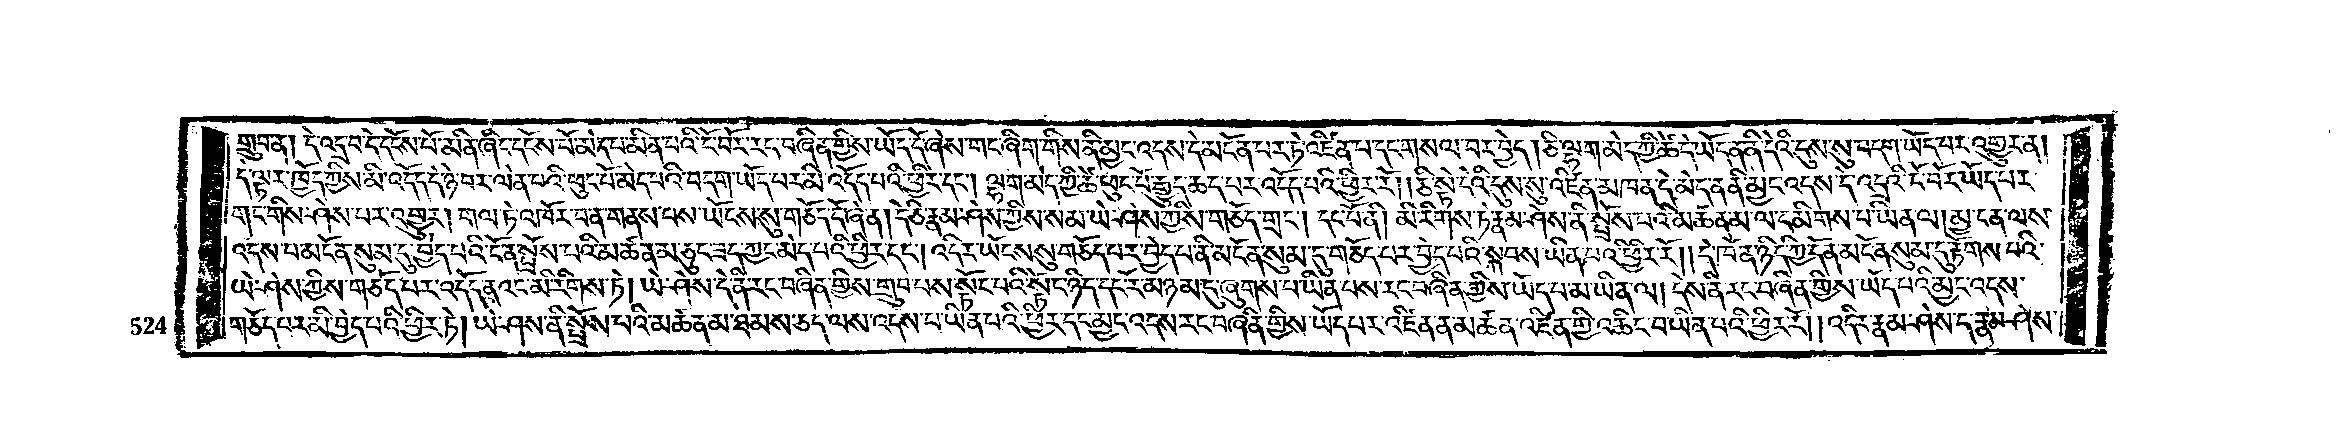གྲུབ་ན། དེ་འདྲ་བ་དེ་དངོས་པོ་མིན་ཞིང་དངོས་པོ་མེད་པ་མིན་པའི་ངོ་བོར་རང་བཞིན་གྱིས་ཡོད་དོ་ཞེས་གང་ཞིག་གིས་ནི་མྱང་འདས་དེ་མངོན་པར་ཏེ་འཛིན་པ་དང་གསལ་བར་བྱེད། ཅི་ལྷག་མེད་ཀྱི་ཚེ་དེ་ཡོད་ན་ནི་དེའི་དུས་སུ་བདག་ཡོད་པར་འགྱུར་ན།
དེ་ལྟར་ཁྱོད་ཀྱིས་མི་འདོད་དེ་ཉེ་བར་ལེན་པའི་ཕུང་པོ་མེད་པའི་བདག་ཡོད་པར་མི་འདོད་པའི་ཕྱིར་དང་། ལྷག་མེད་ཀྱི་ཚེ་ཕུང་པོ་རྒྱུད་ཆད་པར་འདོད་པའི་ཕྱིར་རོ། །ཅི་སྟེ་དེའི་དུས་སུ་འཛིན་མཁན་དེ་མེད་ན་ནི་མྱང་འདས་དེ་འདྲའི་ངོ་བོར་ཡོད་པར་
གང་གིས་ཤེས་པར་འགྱུར། གལ་ཏེ་འཁོར་བ་ན་གནས་པས་ཡོངས་སུ་གཅོད་དོ་ཞེ་ན། དེ་ཅི་རྣམ་ཤེས་ཀྱིས་སམ་ཡེ་ཤེས་ཀྱིས་གཅོད་གྲང་། དང་པོ་ནི། མི་རིགས་ཏེ་རྣམ་ཤེས་ནི་སྤྲོས་པའི་མཚོན་མ་ལ་དམིགས་པ་ཡིན་ལ། མྱ་ངན་ལས་
འདས་པ་མངོན་སུམ་དུ་བྱེད་པའི་ངོ་ན་སྤྲོས་པའི་མཚན་མ་ཅུང་ཟད་ཀྱང་མེད་པའི་ཕྱིར་དང་། འདིར་ཡོངས་སུ་གཅོད་པར་བྱེད་པ་ནི་མངོན་སུམ་དུ་གཅོད་པར་བྱེད་པའི་སྐབས་ཡིན་པའི་ཕྱིར་རོ། །དེ་ཁོ་ན་ཉིད་ཀྱི་དོན་མངོན་སུམ་དུ་རྟོགས་པའི་
ཡེ་ཤེས་ཀྱིས་གཅོད་པར་འདོད་ནའང་མི་རིགས་ཏེ། ཡེ་ཤེས་དེ་ནི་རང་བཞིན་གྱིས་གྲུབ་པས་སྟོང་པའི་སྟོང་ཉིད་དག་རོ་མཉམ་དུ་རང་བཞིན་གྱིས་ཡོད་པ་མ་ཡིན་ལ་། དེས་ནི་རང་བཞིན་གྱིས་ཡོད་པའི་མྱང་འདས་
གཅོད་པར་མི་བྱེད་པའི་ཕྱིར་ཏེ། ཡེ་ཤེས་ནི་སྤྲོས་པའི་མཚན་མ་ཐམས་ཅད་ལས་འདས་པ་ཡིན་པའི་ཕྱིར་དང་མྱང་འདས་རང་བཞིན་གྱིས་ཡོད་པར་འཛིན་ན་མཚན་འཛིན་གྱི་འཆིང་བ་ཡིན་པའི་ཕྱིར་རོ། །འདིར་རྣམ་ཤེས་དེ་མ་ཤེས་